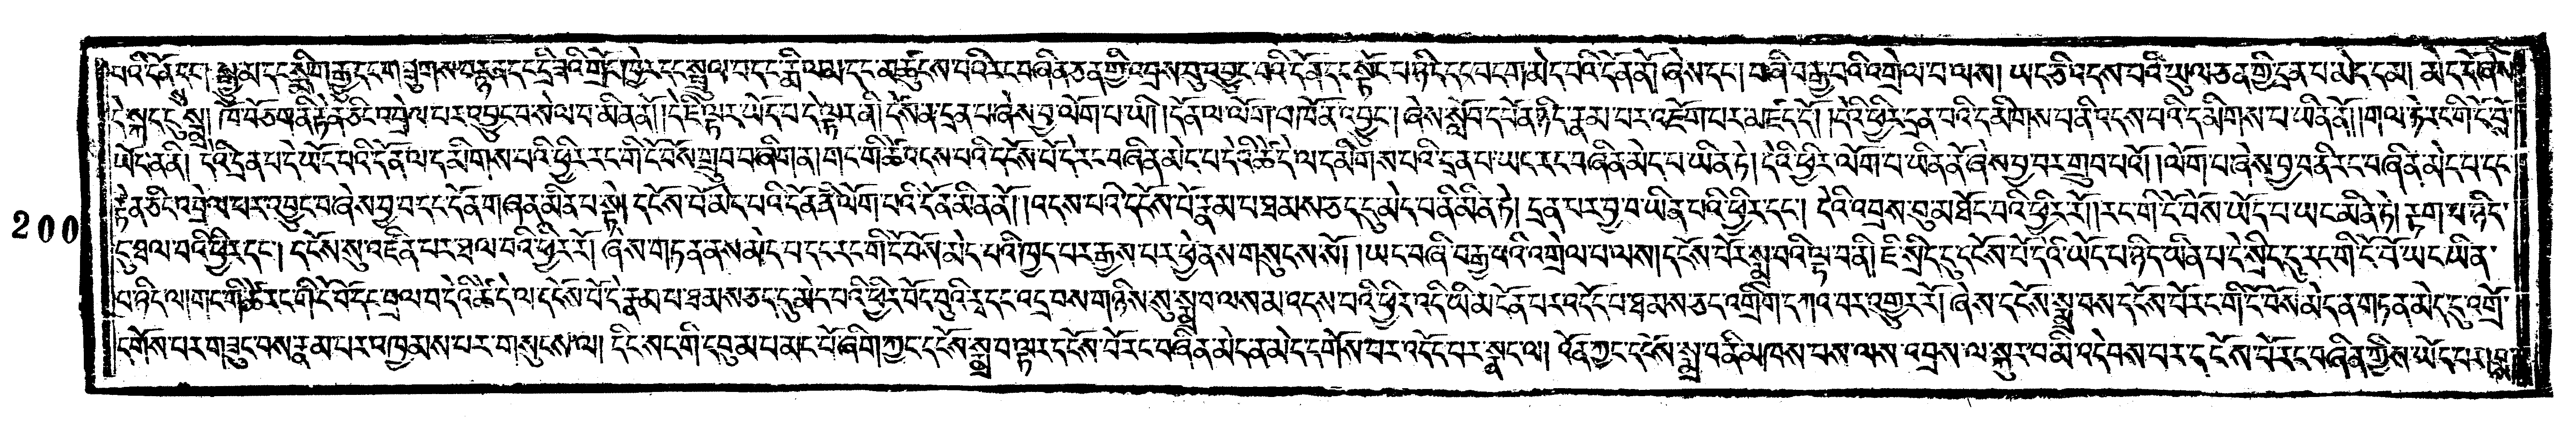པའི་དོན་དང་། སྒྱུ་མ་དང་སྨིག་རྒྱུ་དང་གཟུགས་བརྙན་དང་དྲི་ཟའི་གྲོང་ཁྱེར་དང་སྤྲུལ་པ་དང་རྨི་ལམ་དང་མཚུངས་པའི་རང་བཞིན་ཅན་གྱི་འབྲས་བུ་འབྱུང་བའི་དོན་དང་སྟོང་པ་ཉིད་དང་བདག་མེད་པའི་དོན་ནོ། །ཞེས་དང་། བཞི་བརྒྱ་བའི་འགྲེལ་པ་ལས། ཡང་ཅི་འདས་པའི་ཡུལ་ཅན་གྱི་དྲན་པ་མེད་དམ། མེད་དོ་ཞེས་
དེ་སྐད་དུ་སྨྲ། ཁོ་བོ་ཅག་ནི་རྟེན་ཅིང་འབྲེལ་པར་འབྱུང་བ་སེལ་བ་མིན་ནོ། །དེ་ཇི་ལྟར་ཡོད་པ་དེ་ལྟར་ནི། དེས་ན་དྲན་པ་ཞེས་བྱ་ལོག་པ་ཡི། །དོན་ལ་ལོག་པ་ཁོ་ན་འབྱུང་། ཞེས་སློབ་དཔོན་ཉིད་རྣམ་པར་འཇོག་པར་མཛད་དོ། །དེའི་ཕྱིར་དྲན་པའི་དམིགས་པ་ནི་འདས་པའི་དམིགས་པ་ཡིན་ནོ། །གལ་ཏེ་རང་གི་ངོ་བོས་
ཡོད་ན་ནི། དེའི་དྲན་བ་དེ་ཡོང་པའི་དོན་ལ་དམིགས་པའི་ཕྱིར་རང་གི་ངོ་བོས་གྲུབ་བ་ཞིག་ན། གང་གི་ཚེ་འདས་པའི་དངོས་པོ་དེ་རང་བཞིན་མེད་པ་དེའི་ཚེ་དེ་ལ་དམིགས་པའི་དྲན་པ་ཡང་རང་བཞིན་མེད་པ་ཡིན་ཏེ། དེའི་ཕྱིར་ལོག་པ་ཡིན་ནོ་ཞེས་བྱ་བར་གྲུབ་པའོ། །ལོག་པ་ཞེས་བྱ་བ་ནི་རང་བཞིན་མེད་པ་དང་
རྟེན་ཅིང་འབྲེལ་བར་འབྱུང་བ་ཞེས་བྱ་བ་དང་དོན་གཞན་མིན་པ་སྡེ། དངོས་པོ་མེད་པའི་དོན་ནི་ལོག་པའི་དོན་མིན་ནོ། །འདས་པའི་དངོས་པོ་རྣམ་པ་ཐམས་ཅད་དུ་མེད་བ་ནི་མིན་ཏེ། དྲན་པར་བྱ་བ་ཡིན་པའི་ཕྱིར་དང་། དེའི་འབྲས་བུ་མཐོང་བའི་ཕྱིར་རོ། །རང་གི་ངོ་བོས་ཡོད་པ་ཡང་མིན་ཏེ། རྟག་པ་ཉིད་
དུ་ཐལ་བའི་ཕྱིར་དང་། དངོས་སུ་འཛིན་པར་ཐལ་བའི་ཕྱིར་རོ། ཞེས་གཏན་ནས་མེད་པ་དང་རང་གི་ངོ་བོས་མེད་པའི་ཁྱད་པར་རྒྱས་བར་ཕྱེ་ནས་གསུངས་སོ། །ཡང་བཞི་བརྒྱ་པའི་འགྲེལ་པ་ལས། དངོས་པོར་སྨྲ་བའི་ལྟ་བ་ནི། ཇི་སྲིད་དུ་དངོས་པོ་དེའི་ཡོད་པ་ཉིད་ཡིན་པ་དེ་སྲིད་དུ་རང་གི་ངོ་བོ་ཡང་ཡིན་
བ་ཉིད་ལ་?་གང་གི་ཚེ་རང་གི་ངོ་བོ་དང་བྲལ་བ་དེའི་ཚེ་དེ་ལ་དངོས་པོ་དེ་རྣམ་པ་ཐམས་ཅད་དུ་མེད་པའི་ཕྱིར་བོང་བུའི་རྭ་དང་འདྲ་བས་གཉིས་སུ་སྨྲ་བ་ལས་མ་འདས་པའི་ཕྱིར་འདི་ཡི་མངོན་པར་འདོད་པ་ཐམས་ཅད་འགྲིག་དཀའ་བར་འགྱུར་རོ། ཞེས་དངོས་སྨྲ་བས་དངོས་པོ་རང་གི་ངོ་བོས་མེད་ན་གཏན་མེད་དུ་འགྲོ་
དགོས་བར་གཟུང་བས་རྣམ་པར་འཁྱམས་པར་གསུངས་ལ། ?་རིང་?་སང་གི་དབུ་མ་པ་མང་པོ་ཞིག་ཀྱང་དངོས་སྨྲ་བ་ལྟར་དངོས་པོ་རང་བཞིན་མེད་ན་མེད་དགོས་བར་འདོད་པར་སྣང་ལ། འོན་ཀྱང་དངོས་སྨྲ་བ་ནི་མཁས་པས་ལས་འབྲས་ལ་སྐུར་བ་མི་འདེབས་བར་དངོས་པོ་རང་བཞིན་གྱིས་ཡོད་པར་ཁས་?